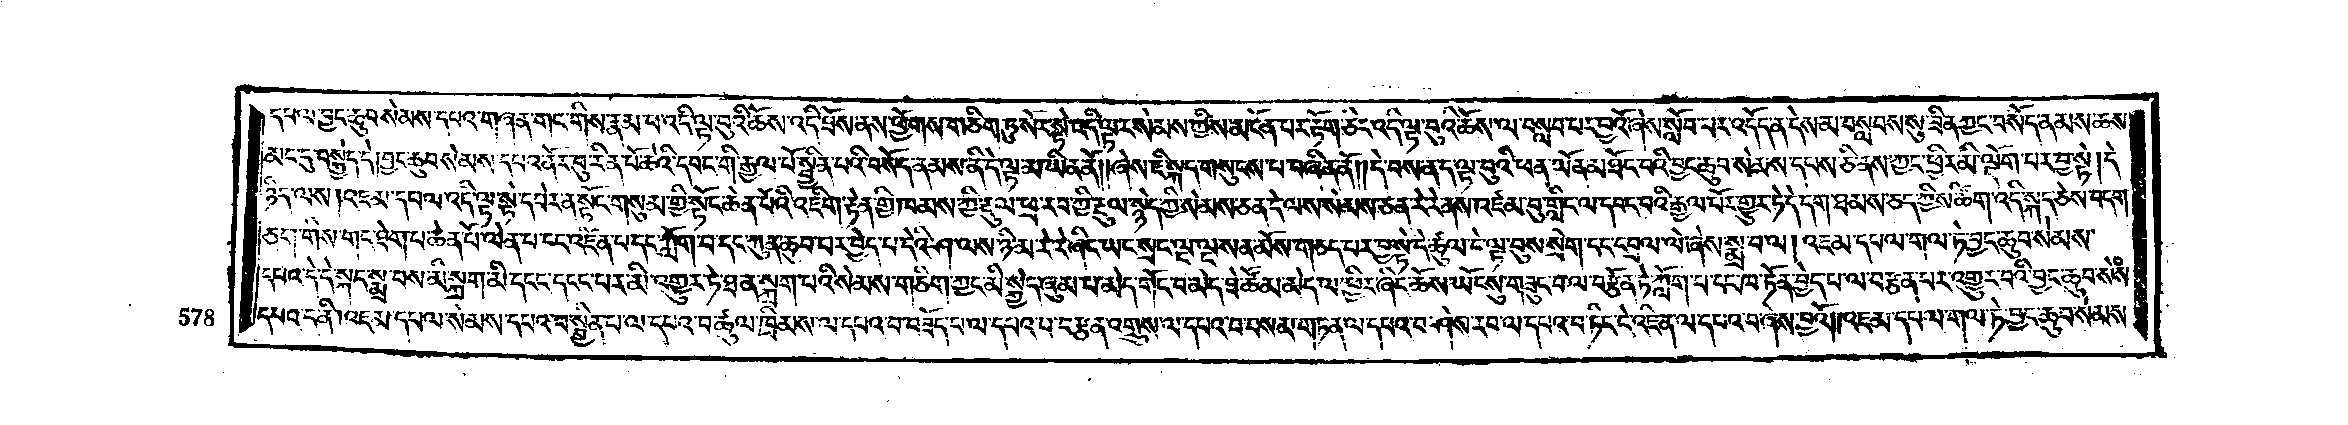དཔལ་བྱང་ཆུབ་སེམས་དཔའ་གཞན་གང་གིས་རྣམ་པ་འདི་ལྟ་བུའི་ཆོས་འདི་ཐོས་ནས་ཕྱོགས་གཅིག་ཏུ་སོར་སྟེ་འདི་ལྟར་སེམས་ཀྱིས་མངོན་པར་རྟོག་ཅིང་འདི་ལྟ་བུའི་ཆོས་ལ་བསླབ་པར་བྱའོ་ཞེས་སློབ་པར་འདོད་ན་དེས་མ་བསླབས་སུ་ཟིན་ཀྱང་བསོད་ནམས་ཆས་
མང་དུ་བསྐྱེད་དེ། བྱང་ཆུབ་སེམས་དཔའ་ནོར་བུ་རིན་པོ་ཆེའི་དབང་གི་རྒྱལ་པོ་སྦྱིན་པའི་བསོད་ནམས་ནི་དེ་ལྟ་མ་ཡིན་ནོ། །ཞེས་ཇི་སྐད་གསུངས་པ་བཞིན་ནོ། །དེ་བས་ན་ད་ལྟ་བུའི་ཕན་ཡོན་མཐོང་བའི་བྱང་ཆུབ་སེམས་དཔས་ཅི་ནས་ཀྱང་ཕྱིར་མི་ལྡོག་པར་བྱ་སྟེ། དེ་
ཉིད་ལས། འཇམ་དཔལ་འདི་ལྟ་སྟེ་དཔེར་ན་སྟོང་གསུམ་གྱི་སྟོང་ཆེན་པོའི་འཇིག་རྟེན་གྱི་ཁམས་ཀྱི་རྡུལ་ཕྲ་རབ་ཀྱི་རྡུལ་སྙེད་ཀྱི་སེམས་ཅན་དེ་ལས་སེམས་ཅན་རེ་རེ་ནས་འཛམ་བུ་གླིང་ལ་དབང་བའི་རྒྱལ་པོར་གྱུར་ཏེ་དེ་དག་ཐམས་ཅད་ཀྱིས་ཚིག་འདི་སྐད་ཅེས་བདག་
ཅག་གིས་གང་ཐེག་པ་ཆེན་པོ་ལེན་པ་ངང་འཛིན་པ་དང་ཀློག་པ་དང་ཀུན་ཆུབ་པར་བྱེད་པ་དེའི་ཤ་ལས་ཉི་མ་རེ་རེ་ཞིང་ཡང་སྲང་ལྔ་ལྔ་སན་མོས་གཅད་པར་བྱ་སྟེ་དེ་ཚུལ་དེ་ལྟ་བུས་སྲེག་དང་དབྲལ་ལེ་ཞེས་སྨྲ་བ་ལ། འཇམ་དཔལ་གལ་ཏེ་བྱང་ཆུབ་སེམས་
དཔའ་དེ་དེ་སྐད་སྨྲ་བས་མི་སྐྲག་མི་དངང་དངང་པར་མི་འགྱུར་ཏེ་ཐ་ན་སྐྲག་པའི་སེམས་གཅིག་ཀྱང་མི་སྐྱེད་ཞུམ་པ་མེད་གོང་བ་མེད་ཐེ་ཚོམ་མེད་ལ་ཕྱིར་ཞིང་ཆོས་ཡོངས་སུ་གཟུང་བ་ལ་བརྩོན་ཏེ་ཀློག་པ་དང་ཁ་ཏོན་བྱེད་པ་ལ་བརྩན་པར་འགྱུར་བའི་བྱང་ཆུབ་སེམས་
དཔའ་ད་ནི། འཇམ་དཔལ་སེམས་དཔའ་བ་སྦྱིན་པ་ལ་དཔའ་བ་ཚུལ་ཁྲིམས་ལ་དཔའ་བ་བཟོད་པ་ལ་དཔའ་བ་བརྩན་འགྲུས་ལ་དཔའ་བ་བསམ་གཏན་ལ་དཔའ་བ་ཤེས་རབ་ལ་དཔའ་བ་ཏིང་ངེ་འཛིན་ལ་དཔའ་བ་ཞེས་བྱའོ། །འཇམ་དཔལ་གལ་ཏེ་བྱང་ཆུབ་སེམས་